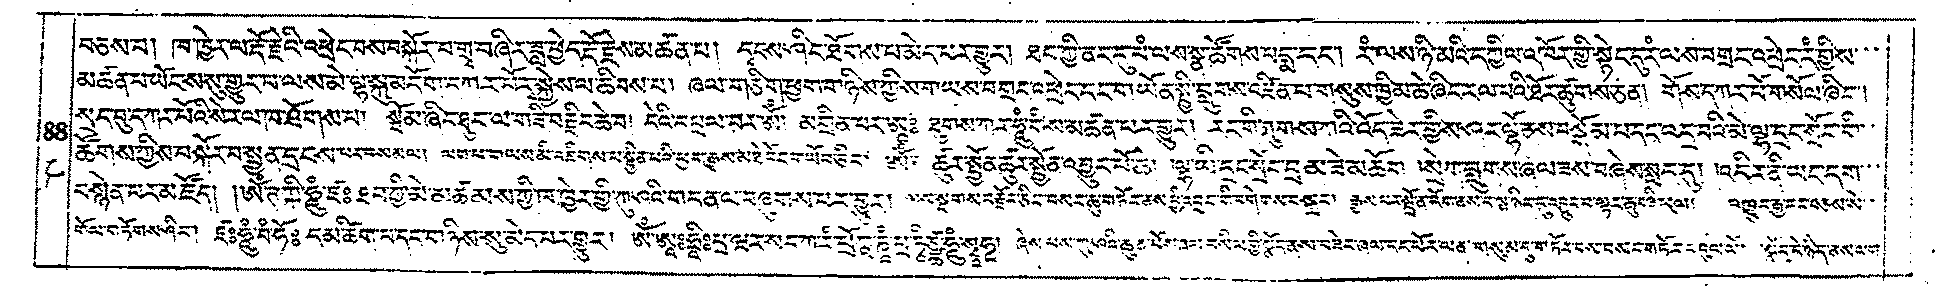བཅས་པ། ཁ་ཁྱེར་ལ་རྡོ་རྗེའི་འཕྲེང་བས་བསྐོར་བ་གྲྭ་བཞིར་ཟླ་ཕྱེད་རྡོ་རྗེས་མཚན་པ། དྭངས་ཤིང་ཐོགས་པ་མེད་པར་གྱུར། ཐབ་ཀྱི་ནང་དུ་པཾ་ལས་སྣ་ཚོགས་པདམ་དང་། རཾ་ལས་ཉི་མའི་དཀྱིལ་འཁོར་གྱི་སྟེང་དུ་རཾ་ལས་བགྲང་འཕྲེང་རཾ་གྱིས་་་
མཚན་པ་ཡོངས་སུ་གྱུར་པ་ལས་མེ་ལྷ་སྐུ་མདོག་དཀར་པོ་རྭ་སྐྱེས་ལ་ཆིབས་པ། ཞལ་གཅིག་ཕྱག་གཉིས་ཀྱིས་གཡས་བགྲང་འཕྲེང་དང་གཡོན་སྤྱི་བླུགས་འཛིན་པ་གསུས་ཁྱིམ་ཆེ་ཞིང་རལ་པའི་ཐོར་ཚུགས་ཅན། གོས་དཀར་པོ་གསོལ་ཞིང་།
སྲད་བུ་དཀར་པོའི་སེ་རལ་ཁ་ཐོགས་པ། སྦོམ་ཞིང་ཐུང་ལ་གཟི་བརྗིད་ཆེ་བ། དེའི་དཔྲལ་བར་ཨོཾ། མགྲིན་པར་ཨཱཿ ཐུགས་ཀར་ཧཱུཾ་གིས་མཚན་པར་གྱུར། རང་གི་ཐུགས་ཀའི་འོད་ཟེར་གྱིས་ཤར་ལྷོ་ནས་བསྒོམ་པ་དང་འདྲ་བའི་མེ་ལྷ་དྲང་སྲོང་གི་་་
ཚོགས་ཀྱིས་བསྐོར་བ་སྤྱན་དྲངས་པར་བསམ་ལ། ལག་པ་གཡས་མི་འཇིགས་པ་སྦྱིན་པའི་ཕྱག་རྒྱས་མཐེ་བོང་གཡོབ་ཅིང་།  ཨོཾ༑ ཚུར་སྦྱོན་ཚུར་སྤྱོན་འབྱུང་པོ་ཆེ། །ལྷ་ཡི་དྲང་སྲོང་བྲམ་ཟེ་མཆོག །སྲེག་བླུགས་ཞལ་ཟས་བཞེས་སླད་དུ། །འདིར་ནི་ཡང་དག་་་
བསྙེན་པར་མཛོད། །ཨོཾ་ཌཀྐི་ཧཱུཾ་ཛཿ ཐབ་ཀྱི་མེ་མཚམས་ཀྱི་ཁ་ཁྱེར་གྱི་ཀུ་ཤའི་གདན་ལ་བཞུགས་པར་གྱུར། ལས་སྔགས་བརྗོད་ཅིང་བསང་ཆུ་གཏོར་ནས་ཕྱི་འབྲང་གི་བགེགས་བསྐྲད། རྒྱས་པར་སྤྲོན་འོག་ནས་ད་ལྟ་ཉིད་དུ་འབྱུང་བ་ལྟར་ཆུ་བཞི་ཕུལ། འཁྱུད་རྒྱ་དང་བཅས་སེ་་་
གོལ་གཏོགས་ཤིང་། ཛ༑ ཧཱུཾ་བཾ་ཧོཿདམ་ཚིག་པ་དང་གཉིས་སུ་མེད་པར་གྱུར། ཨོཾ་ཨཱཿཧྲཱིཿཔྲ་ཝར་སད་ཀ་རཾ་པྲོཀྵ་ཎཱཾ་པྲ་ཏཱི་ཙྪ་ཧཱུཾ་སྭཱཧཱ། ཞེས་པས་ཀུ་ཤའི་ཆུན་པོས་ཞལ་བསིལ་གྱི་སྣོད་ནས་བཟེད་ཞལ་དང་པོར་ལན་གསུམ་དུ་གཏོར་བས་བསང་གཏོར་དབུལ་ལོ། །སྣོད་དེ་ཉིད་ནས་ལག་